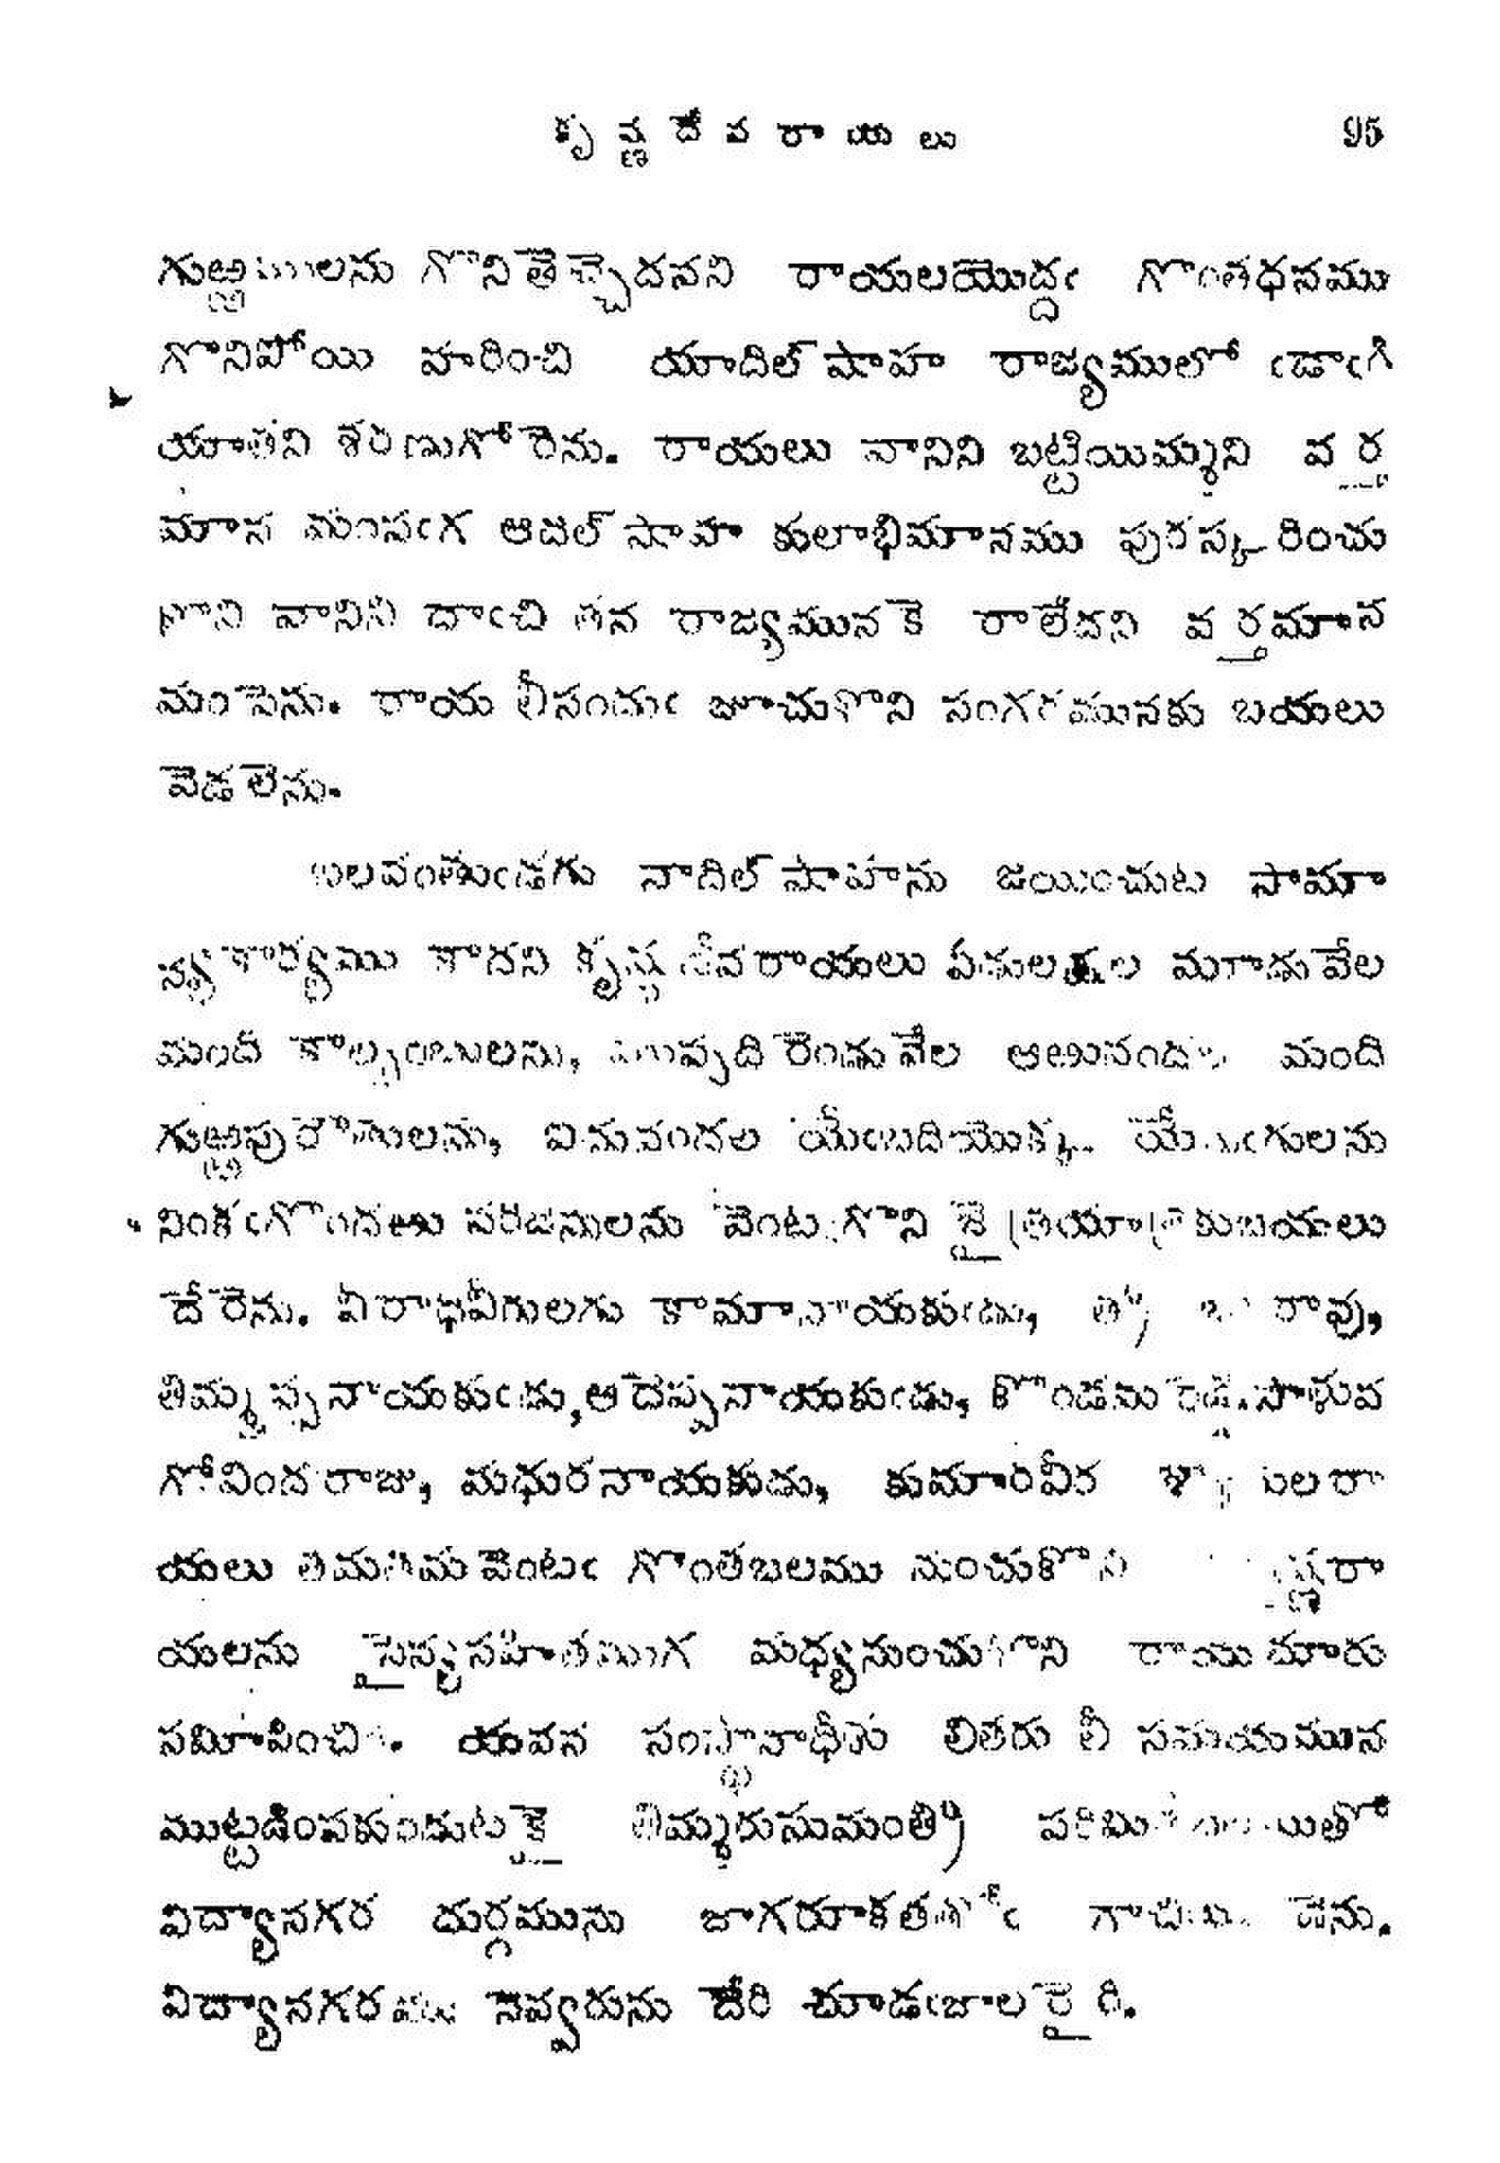గుఱ్ఱములను గొనితెచ్చెదనని రాయలయొద్ద గొంతధనము గొనిపోయి హరించి యాదిల్‌షాహ రాజ్యములో డాగి యాతని శరణుగోరెను. రాయలువానిని బట్టియిమ్మని వర్తమాన మంపగ ఆదిల్‌షాహ కులాభిమానము పురస్కరించుకొని వానిని దాచి తన రాజ్యమునకె రాలేదని వర్తమాన మంపెను. రాయ లీసందు జూచుకొని సంగరమునకు బయలువెడలెను.

బలవంతుడగు నాదిల్‌షాహను జయించుట సామాన్యకార్యము కాదని కృష్ణదేవరాయలు ఏడులక్షల మూడువేలమంది కాల్బంబులను, ముప్పదిరెండువేల ఆఱువందల మంది గుఱ్ఱపురౌతులను, ఐదువందల యేబదియొక్క యేనుగులను నింక గొందఱు పరిజనులను వెంట గొని జైత్రయాత్రకు బయలు దేరెను. వీరాధివీరులగు కామానాయకుడు, త్ర----రావు, తిమ్మప్పనాయకుడు, ఆదెప్పనాయకుడు, కొండమరెడ్డి, సాళువ గోవిందరాజు, మధురనాయకుడు, కుమారవీర శ్యామలరాయలు తమతమవెంట గొంతబలము నుంచుకొని కృష్ణరాయలను సైన్యసహితముగ మధ్యనుంచుకొని రాయిచూరు సమీపించిరి. యవన సంస్థానాధీశు లితరు లీ సమయమున ముట్టడింపకుండుటకై తిమ్మరుసుమంత్రి పరిమితబలముతో విద్యానగర దుర్గమును జాగరూకతో గాచియుండెను. విద్యానగరము నెవ్వరును దేరి చూడజాలరైరి.